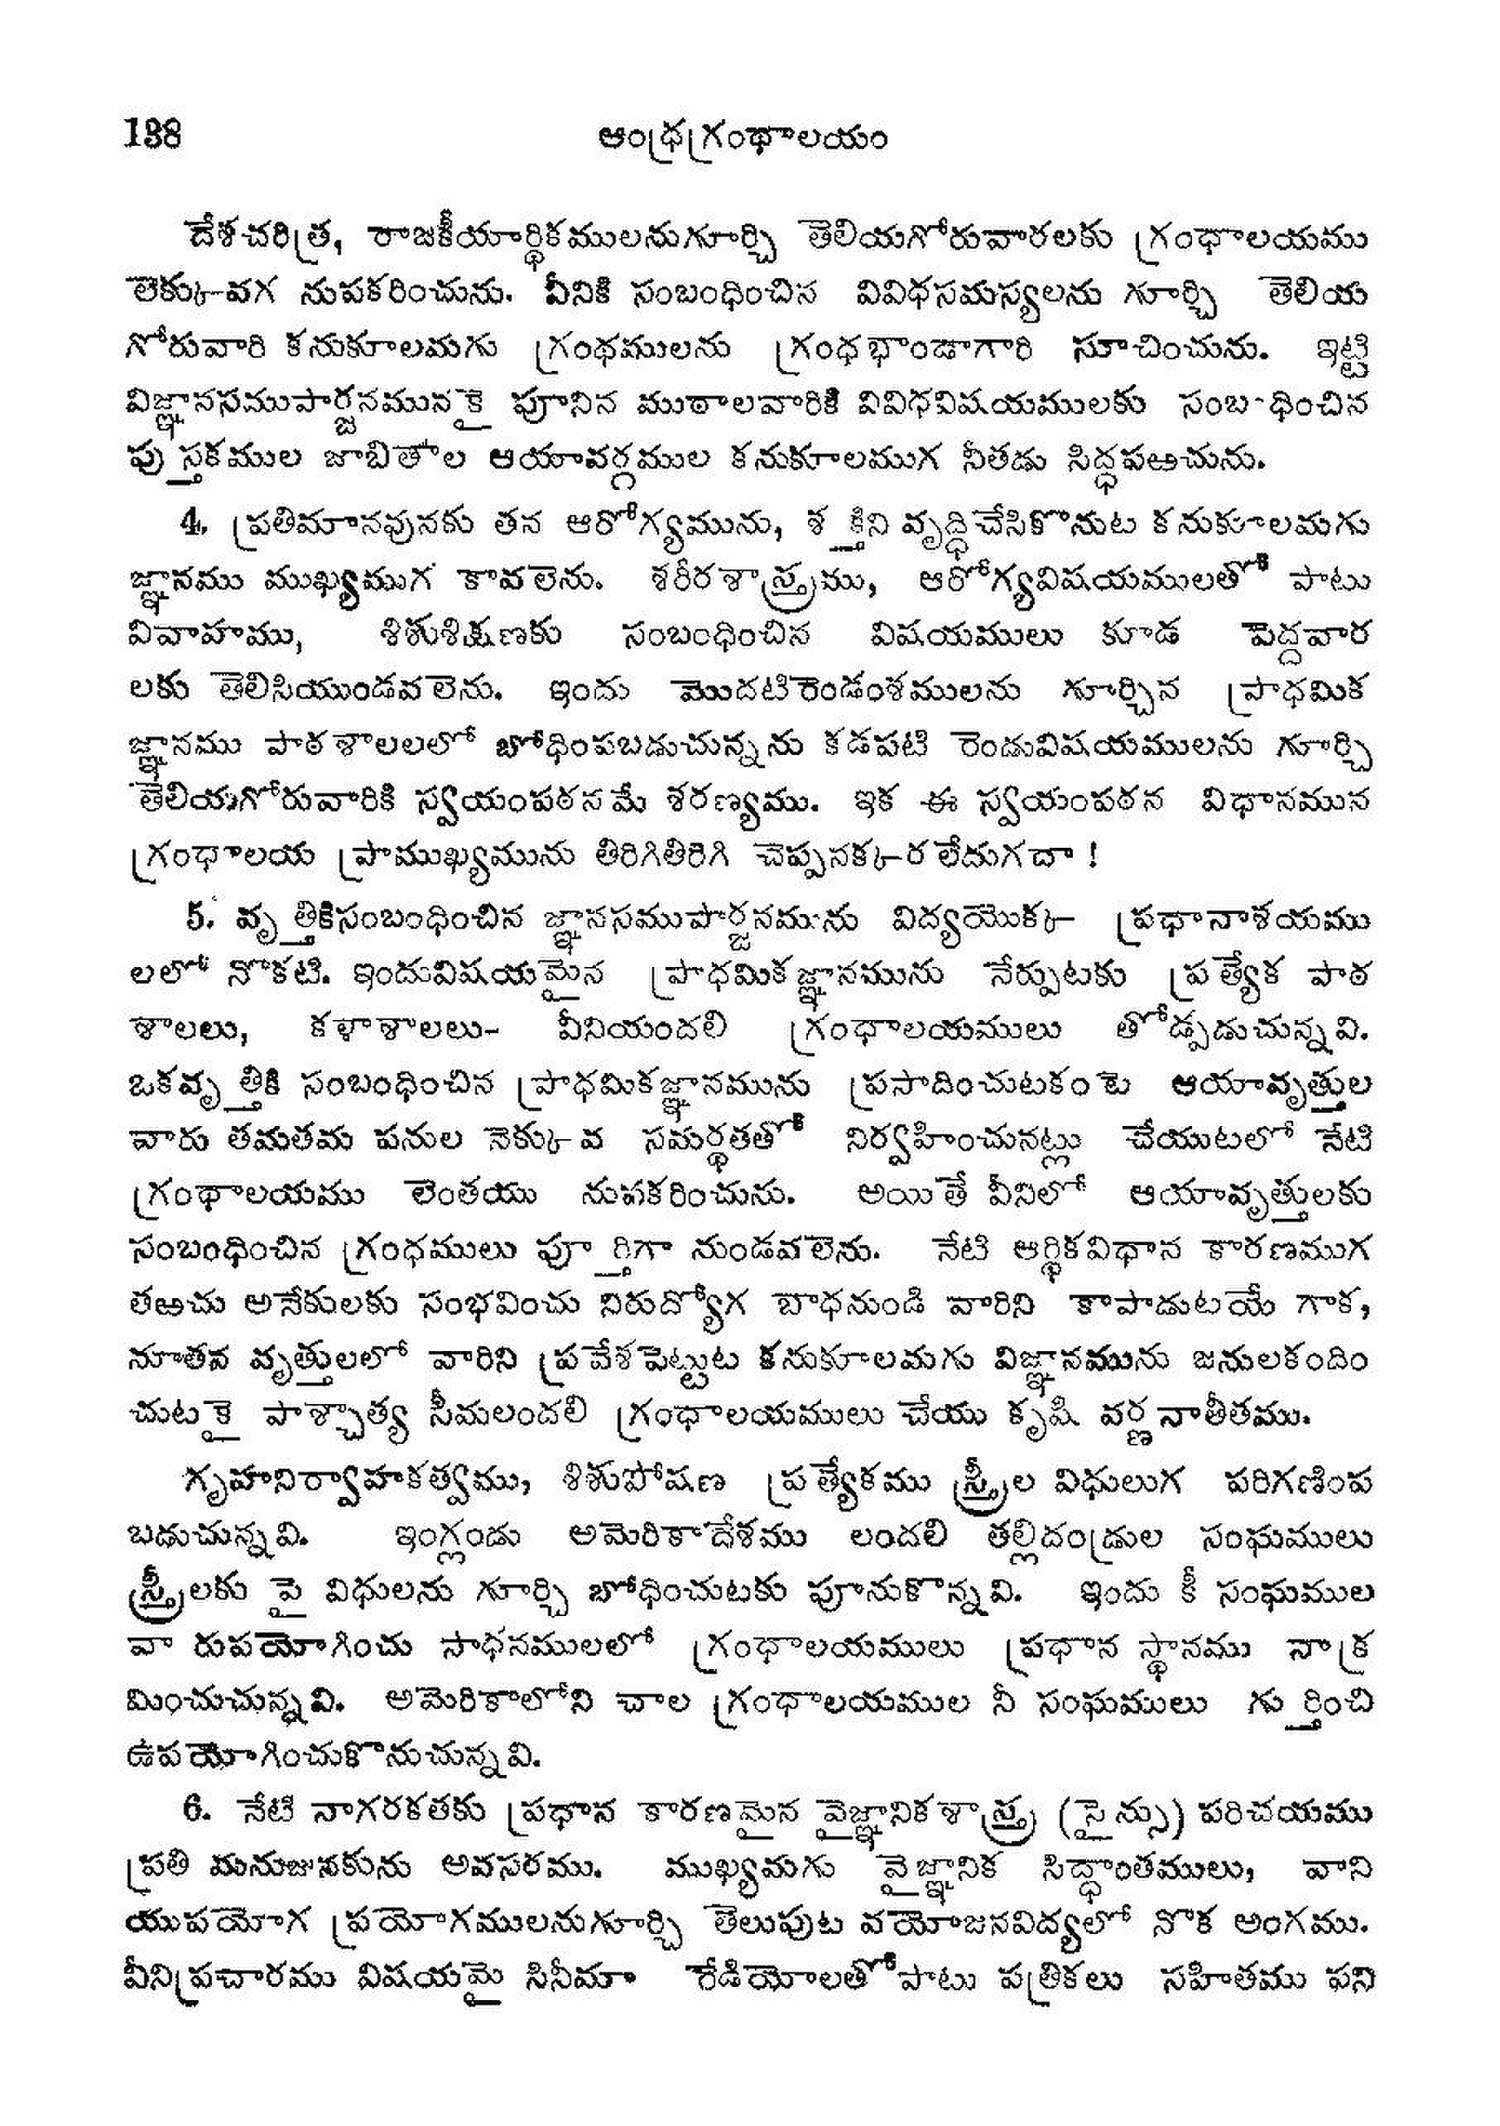దేశ చరిత్ర, రాజకీయార్థికములను గూర్చి తెలియగోరువారలకు గ్రంధాలయము లెక్కువగ నుపకరించును. వీనికి సంబంధించిన 
వివిధ సమస్యలను గూర్చి తెలియగోరువారి కనుకూలమగు గ్రంథములను గ్రంథ భాండాగారి సూచించును. ఇట్టి
విజ్ఞానసముపార్జనమునకై పూనిన ముఠాలవారికి వివిధవిషయములకు సంబంధించిన పుస్తకముల జాబితాల ఆయావర్గములు 
కనుకూలముగ నీతడు సిద్ధపఱచును.

4. ప్రతిమానవునకు తన ఆరోగ్యమును, శక్తిని వృద్ధి చేసికొనుట కనుకూలమగు జ్ఞానము ముఖ్యముగ కావలెను. శరీరశాస్త్రము, ఆరోగ్యవిషయములతో పాటు వివాహము, శిశు శిక్షణకు సంబంధించిన విషయములు కూడ పెద్దవారలకు తెలిసియుండవలెను. 
ఇందు మొదటి రెండంశములను గూర్చిన ప్రాధమిక జ్ఞానము పాఠశాలలలో బోధింపబడుచున్నను కడపటి రెండువిషయములను 
గూర్చి తెలియగోరువారికి స్వయంపఠనమే శరణ్యము. ఇక ఈ స్వయంపఠన విధానమున గ్రంధాలయ ప్రాముఖ్యమును 
తిరిగితిరిగి చెప్పనక్కర లేదుగదా!

5. వృత్తికిసంబంధించిన జ్ఞానసముపార్జనమును విద్యయొక్క ప్రధానాశయములలో నొకటి. ఇందువిషయమైన ప్రాధమిక 
జ్ఞానమును నేర్పుటకు ప్రత్యేక పాఠశాలలు, కళాశాలలు - వీనియందలి గ్రంధాలయములు తోడ్పడుచున్నవి. ఒకవృత్తికి 
సంబంధించిన ప్రాధమిక జ్ఞానమును ప్రసాదించుటకంటె ఆయావృత్తుల వారు తమతమ పనుల నెక్కువ సమర్థతతో 
నిర్వహించునట్లు చేయుటలో నేటి గ్రంథాలయము లెంతయు నుపకరించును. అయితే వీనిలో ఆయావృత్తులకు 
సంబంధించిన గ్రంధములు పూర్తిగా నుండవలెను. నేటి ఆర్థిక విధాన కారణముగ తఱచు అనేకులకు సంభవించు 
నిరుద్యోగ బాధనుండి వారిని కాపాడుటయే గాక, నూతన వృత్తులలో వారిని ప్రవేశపెట్టుట కనుకూలమగు విజ్ఞానమును 
జనులకందించుటకై పాశ్చాత్య సీమలందలి గ్రంధాలయములు చేయు కృషి వర్ణనాతీతము.

గృహనిర్వాహకత్వము, శిశుపోషణ ప్రత్యేకము స్త్రీల విధులుగ పరిగణింపబడుచున్నవి. ఇంగ్లండు అమెరికా దేశము 
లందలి తల్లిదండ్రుల సంఘములు స్త్రీలకు పై విధులను గూర్చి బోధించుటకు పూనుకొన్నవి. ఇందుకీ సంఘముల 
వారుపయోగించు సాధనములలో గ్రంథాలయములు ప్రధాన స్థానము నాక్రమించుచున్నవి. అమెరికాలోని చాల 
గ్రంధాలయముల నీ సంఘములు గుర్తించి ఉపయోగించుకొనుచున్నవి.

6. నేటి నాగరకతకు ప్రధాన కారణమైన వైజ్ఞానికశాస్త్ర (సైన్సు) పరిచయము ప్రతి మనుజునకును అవసరము. 
ముఖ్యమగు వైజ్ఞానిక సిద్ధాంతములు, వానియుపయోగ ప్రయోగములను గూర్చి తెలుపుట వయోజనవిద్యలో నొక అంగము. 
వీని ప్రచారము విషయమై సినీమా రేడియోలతోపాటు పత్రికలు సహితము పని